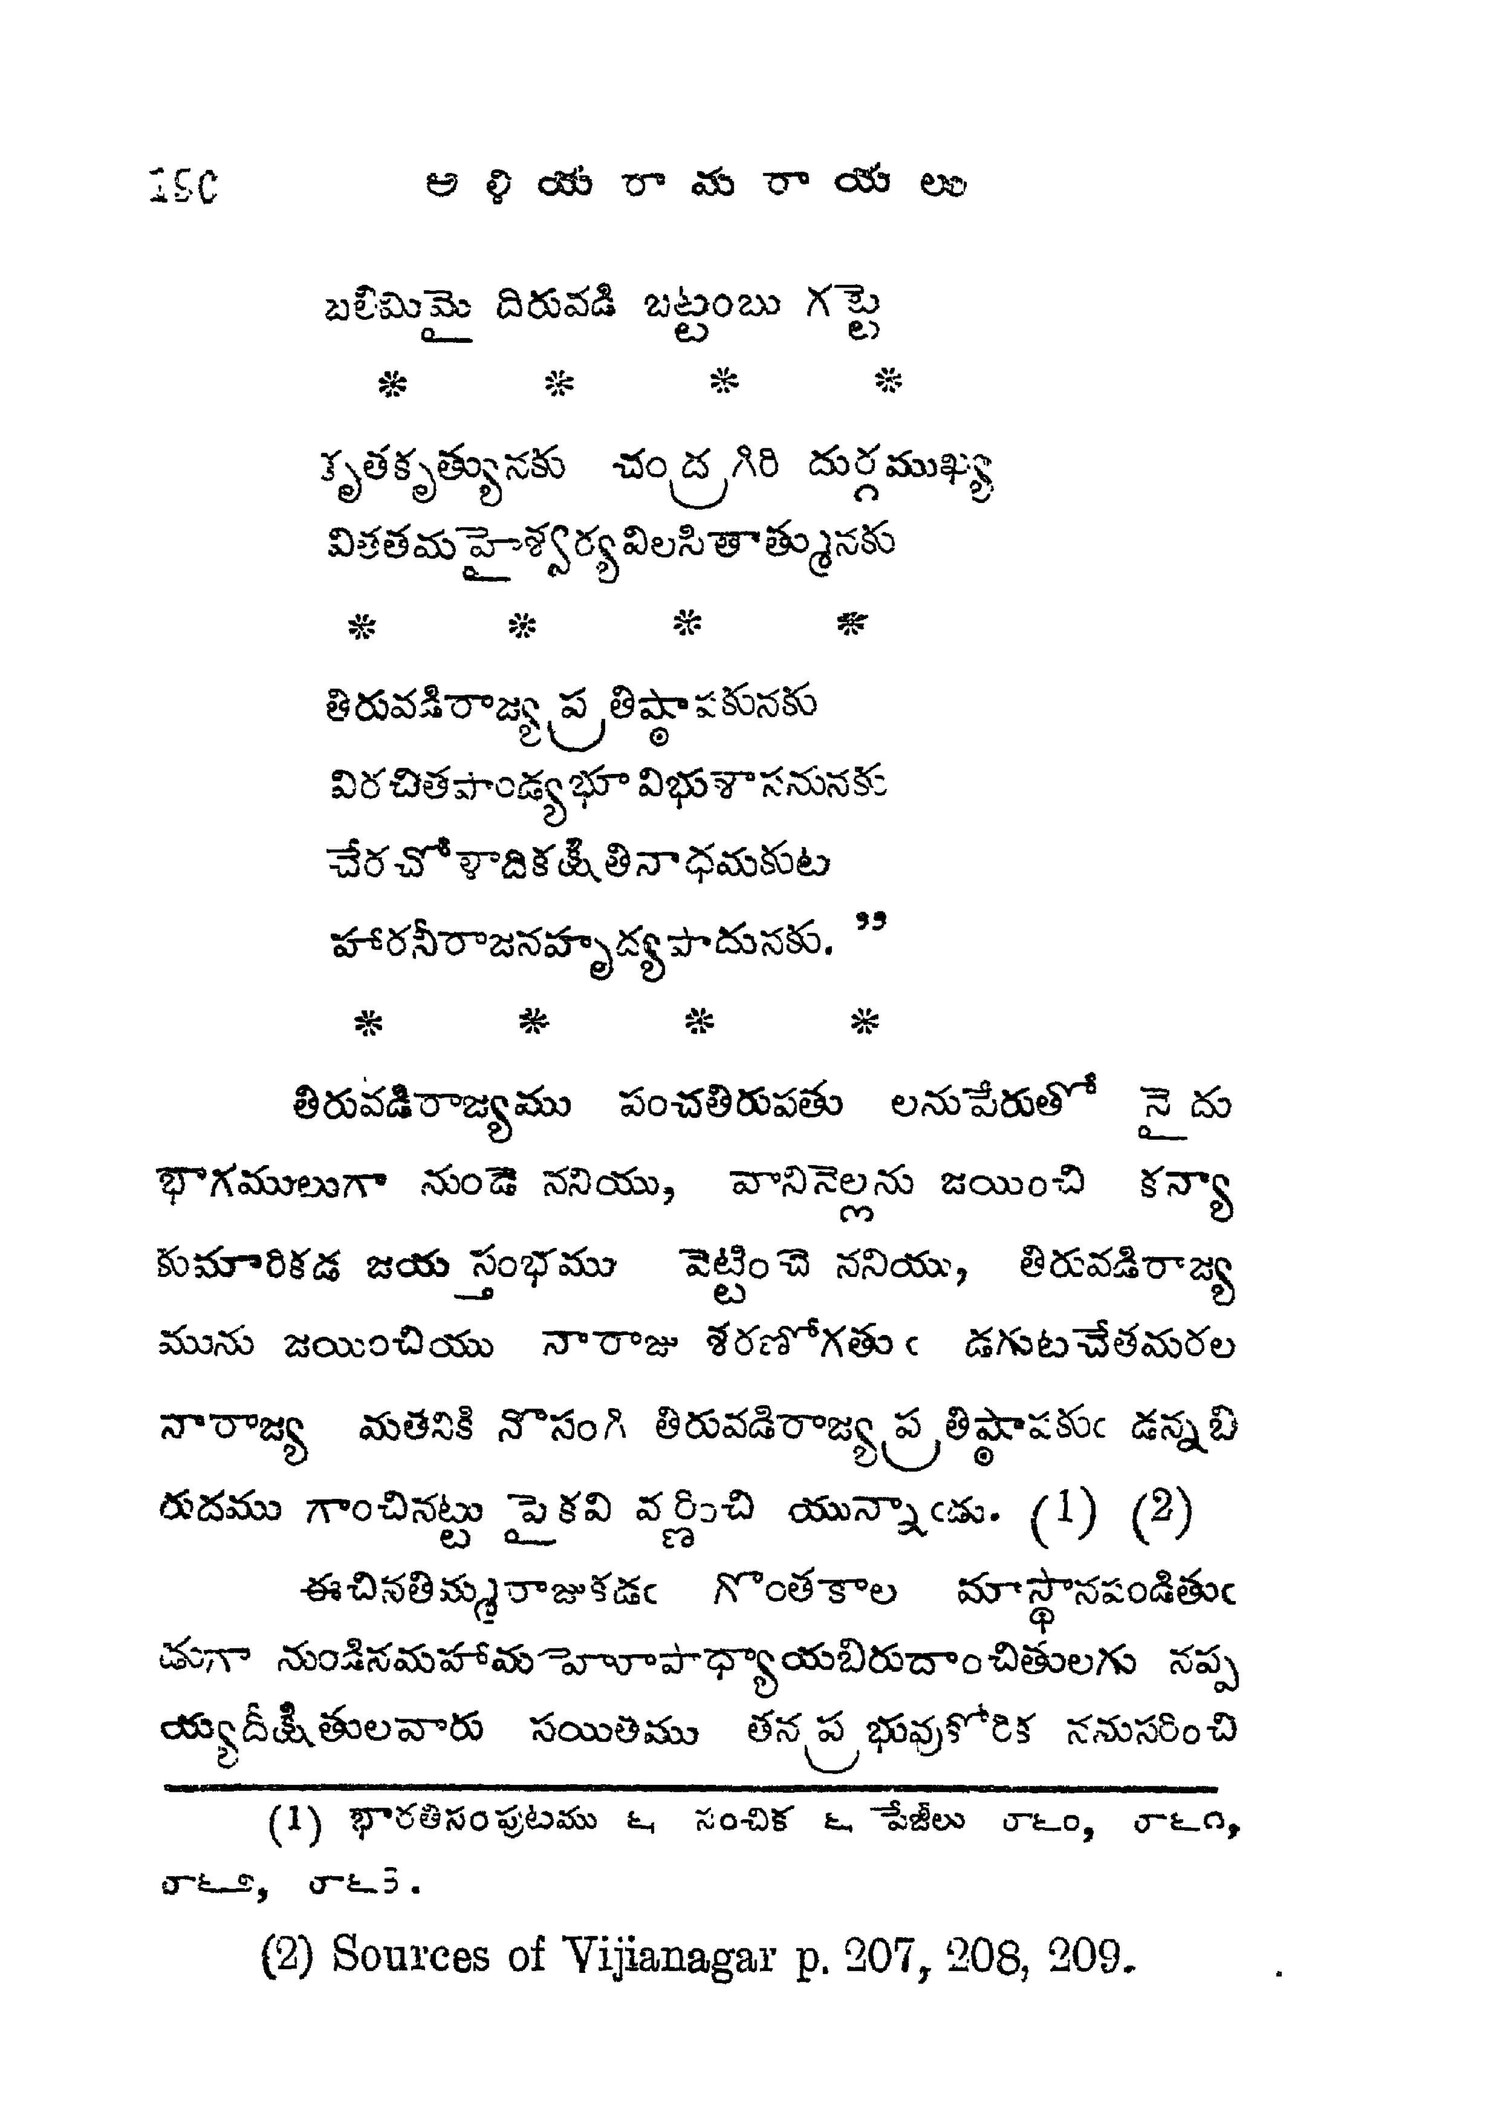బలిమిమై దిరువడి బట్టంబు గట్టె

 కృతకృత్యునకు చంద్రగిరి దుర్గముఖ్య
 వితతమహైశ్వర్యవిలసితాత్మునకు

 తిరువడిరాజ్య ప్రతిష్ఠాపకునకు
 విరచితపాండ్య భూవిభుశాసనునకు
 చేర చోళాదికక్షితినాధమకుట
 హారనీరాజనహృద్యపాదునకు."

తిరువడిరాజ్యము పంచతిరుపతు లనుపేరుతో నైదుభాగములుగా నుండె ననియు, వానినెల్లను జయించి కన్యాకుమారికడ జయస్తంభము పెట్టించె ననియు, తిరువడిరాజ్యమును జయించియు నారాజు శరణోగతు డగుటచేతమరల నారాజ్య మతనికి నొసంగి తిరువడిరాజ్య ప్రతిష్ఠాపకు డన్నబిరుదము గాంచినట్టు పైకవి వర్ణించి యున్నాడు. 

ఈచినతిమ్మరాజుకడ గొంతకాల మాస్థానపండితుడుగా నుండినమహా మహోపాధ్యాయబిరుదాంచితులగు నప్పయ్యదీక్షితులవారు సయితము తనప్రభువుకోరిక ననుసరించి